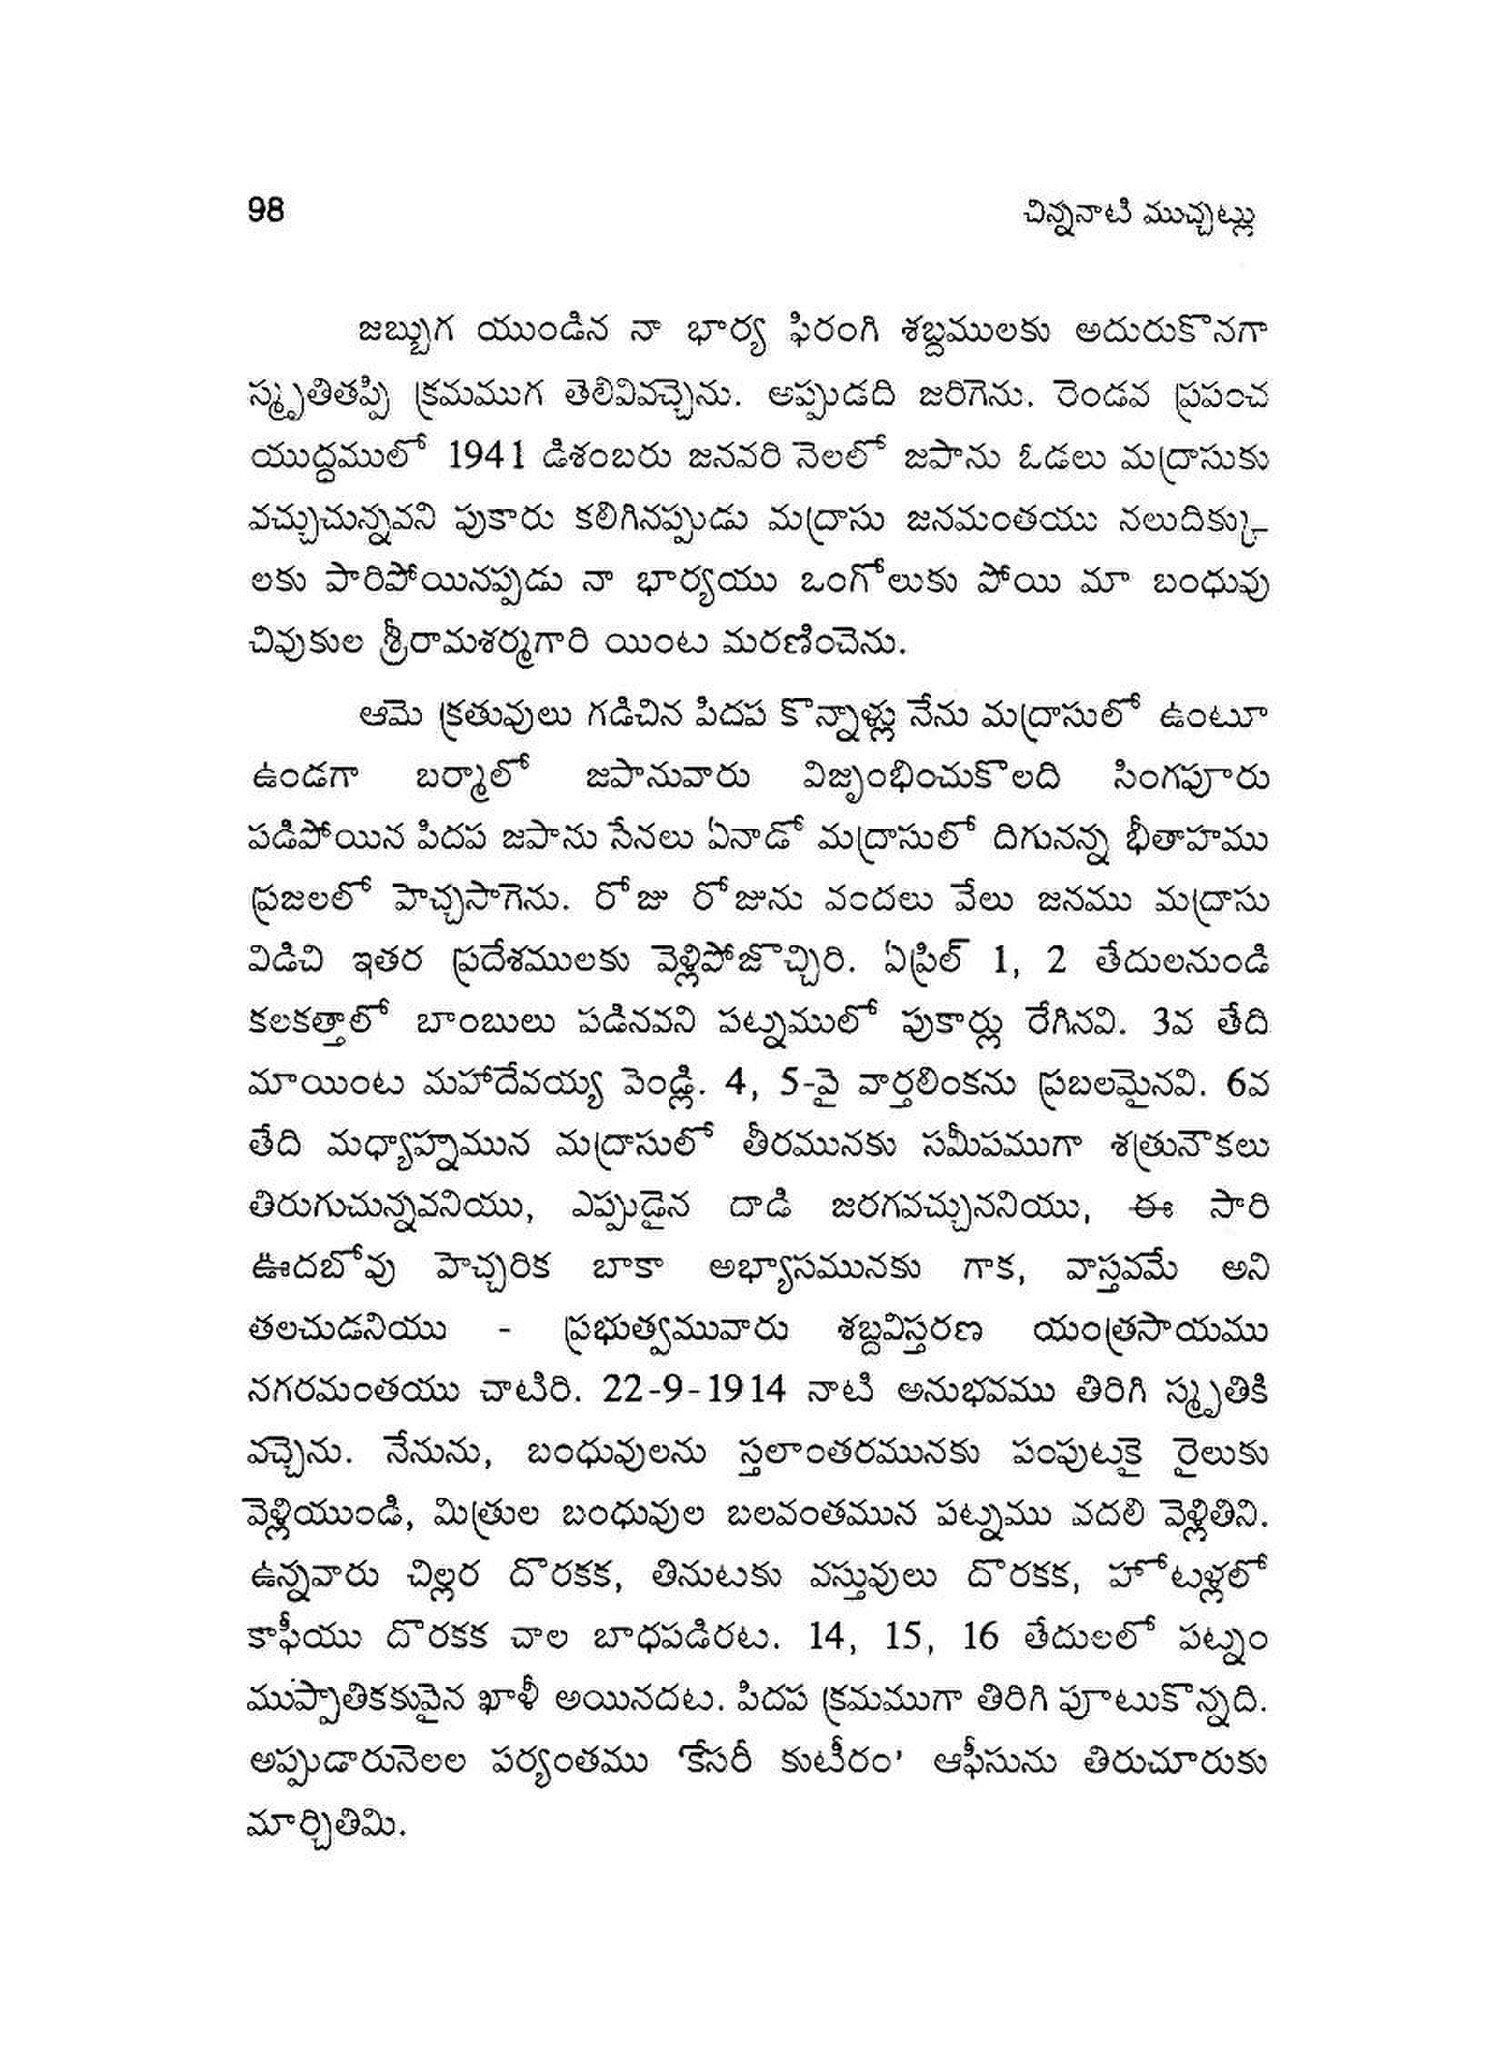జబ్బుగ యుండిన నా భార్య ఫిరంగి శబ్దములకు అదురుకొనగా స్మృతితప్పి క్రమముగ తెలివివచ్చెను. అప్పుడది జరిగెను. రెండవ ప్రపంచ యుద్దములో 1941 డిశంబరు జనవరి నెలలో జపాను ఓడలు మద్రాసుకు వచ్చుచున్నవని పుకారు కలిగినప్పుడు మద్రాసు జనమంతయు నలుదిక్కులకు పారిపోయినప్పుడు నా భార్యయు ఒంగోలుకు పోయి మా బంధువు చివుకుల శ్రీరామశర్మగారి యింట మరణించెను.

ఆమె క్రతువులు గడిచిన పిదప కొన్నాళ్లు నేను మద్రాసులో ఉంటూ ఉండగా బర్మాలో జపానువారు విజృంభించుకొలది సింగపూరు పడిపోయిన పిదప జపాను సేనలు ఏనాడో మద్రాసులో దిగునన్న భీతాహము ప్రజలలో హెచ్చసాగెను. రోజు రోజును వందలు వేలు జనము మద్రాసు విడిచి ఇతర ప్రదేశములకు వెళ్లిపోజొచ్చిరి. ఏప్రిల్ 1, 2 తేదులనుండి కలకత్తాలో బాంబులు పడినవని పట్నములో పుకార్లు రేగినవి. 3వ తేది మాయింట మహాదేవయ్య పెండ్లి, 4, 5-పై వార్తలింకను ప్రబలమైనవి. 6వ తేది మధ్యాహ్నమున మద్రాసులో తీరమునకు సమీపముగా శత్రునౌకలు తిరుగుచున్నవనియు, ఎప్పడైన దాడి జరగవచ్చుననియు, ఈ సారి ఊదబోవు హెచ్చరిక బాకా అభ్యాసమునకు గాక, వాస్తవమే అని తలచుడనియు - ప్రభుత్వమువారు శబ్దవిస్తరణ యంత్రసాయము నగరమంతయు చాటిరి. 22-9-1914 నాటి అనుభవము తిరిగి స్మృతికి వచ్చెను. నేనును, బంధువులను స్తలాంతరమునకు పంపుటకై రైలుకు వెళ్లియుండి, మిత్రుల బంధువుల బలవంతమున పట్నము వదలి వెళ్లితిని. ఉన్నవారు చిల్లర దొరకక, తినుటకు వస్తువులు దొరకక, హోటళ్లలో కాఫీయు దొరకక చాల బాధపడిరట. 14, 15, 16 తేదులలో పట్నం ముప్పాతికకుపైన ఖాళీ అయినదట. పిదప క్రమముగా తిరిగి పూటుకొన్నది. అప్పుడారునెలల పర్యంతము 'కేసరీ కుటీరం' ఆఫీసును తిరుచూరుకు మార్చితిమి.